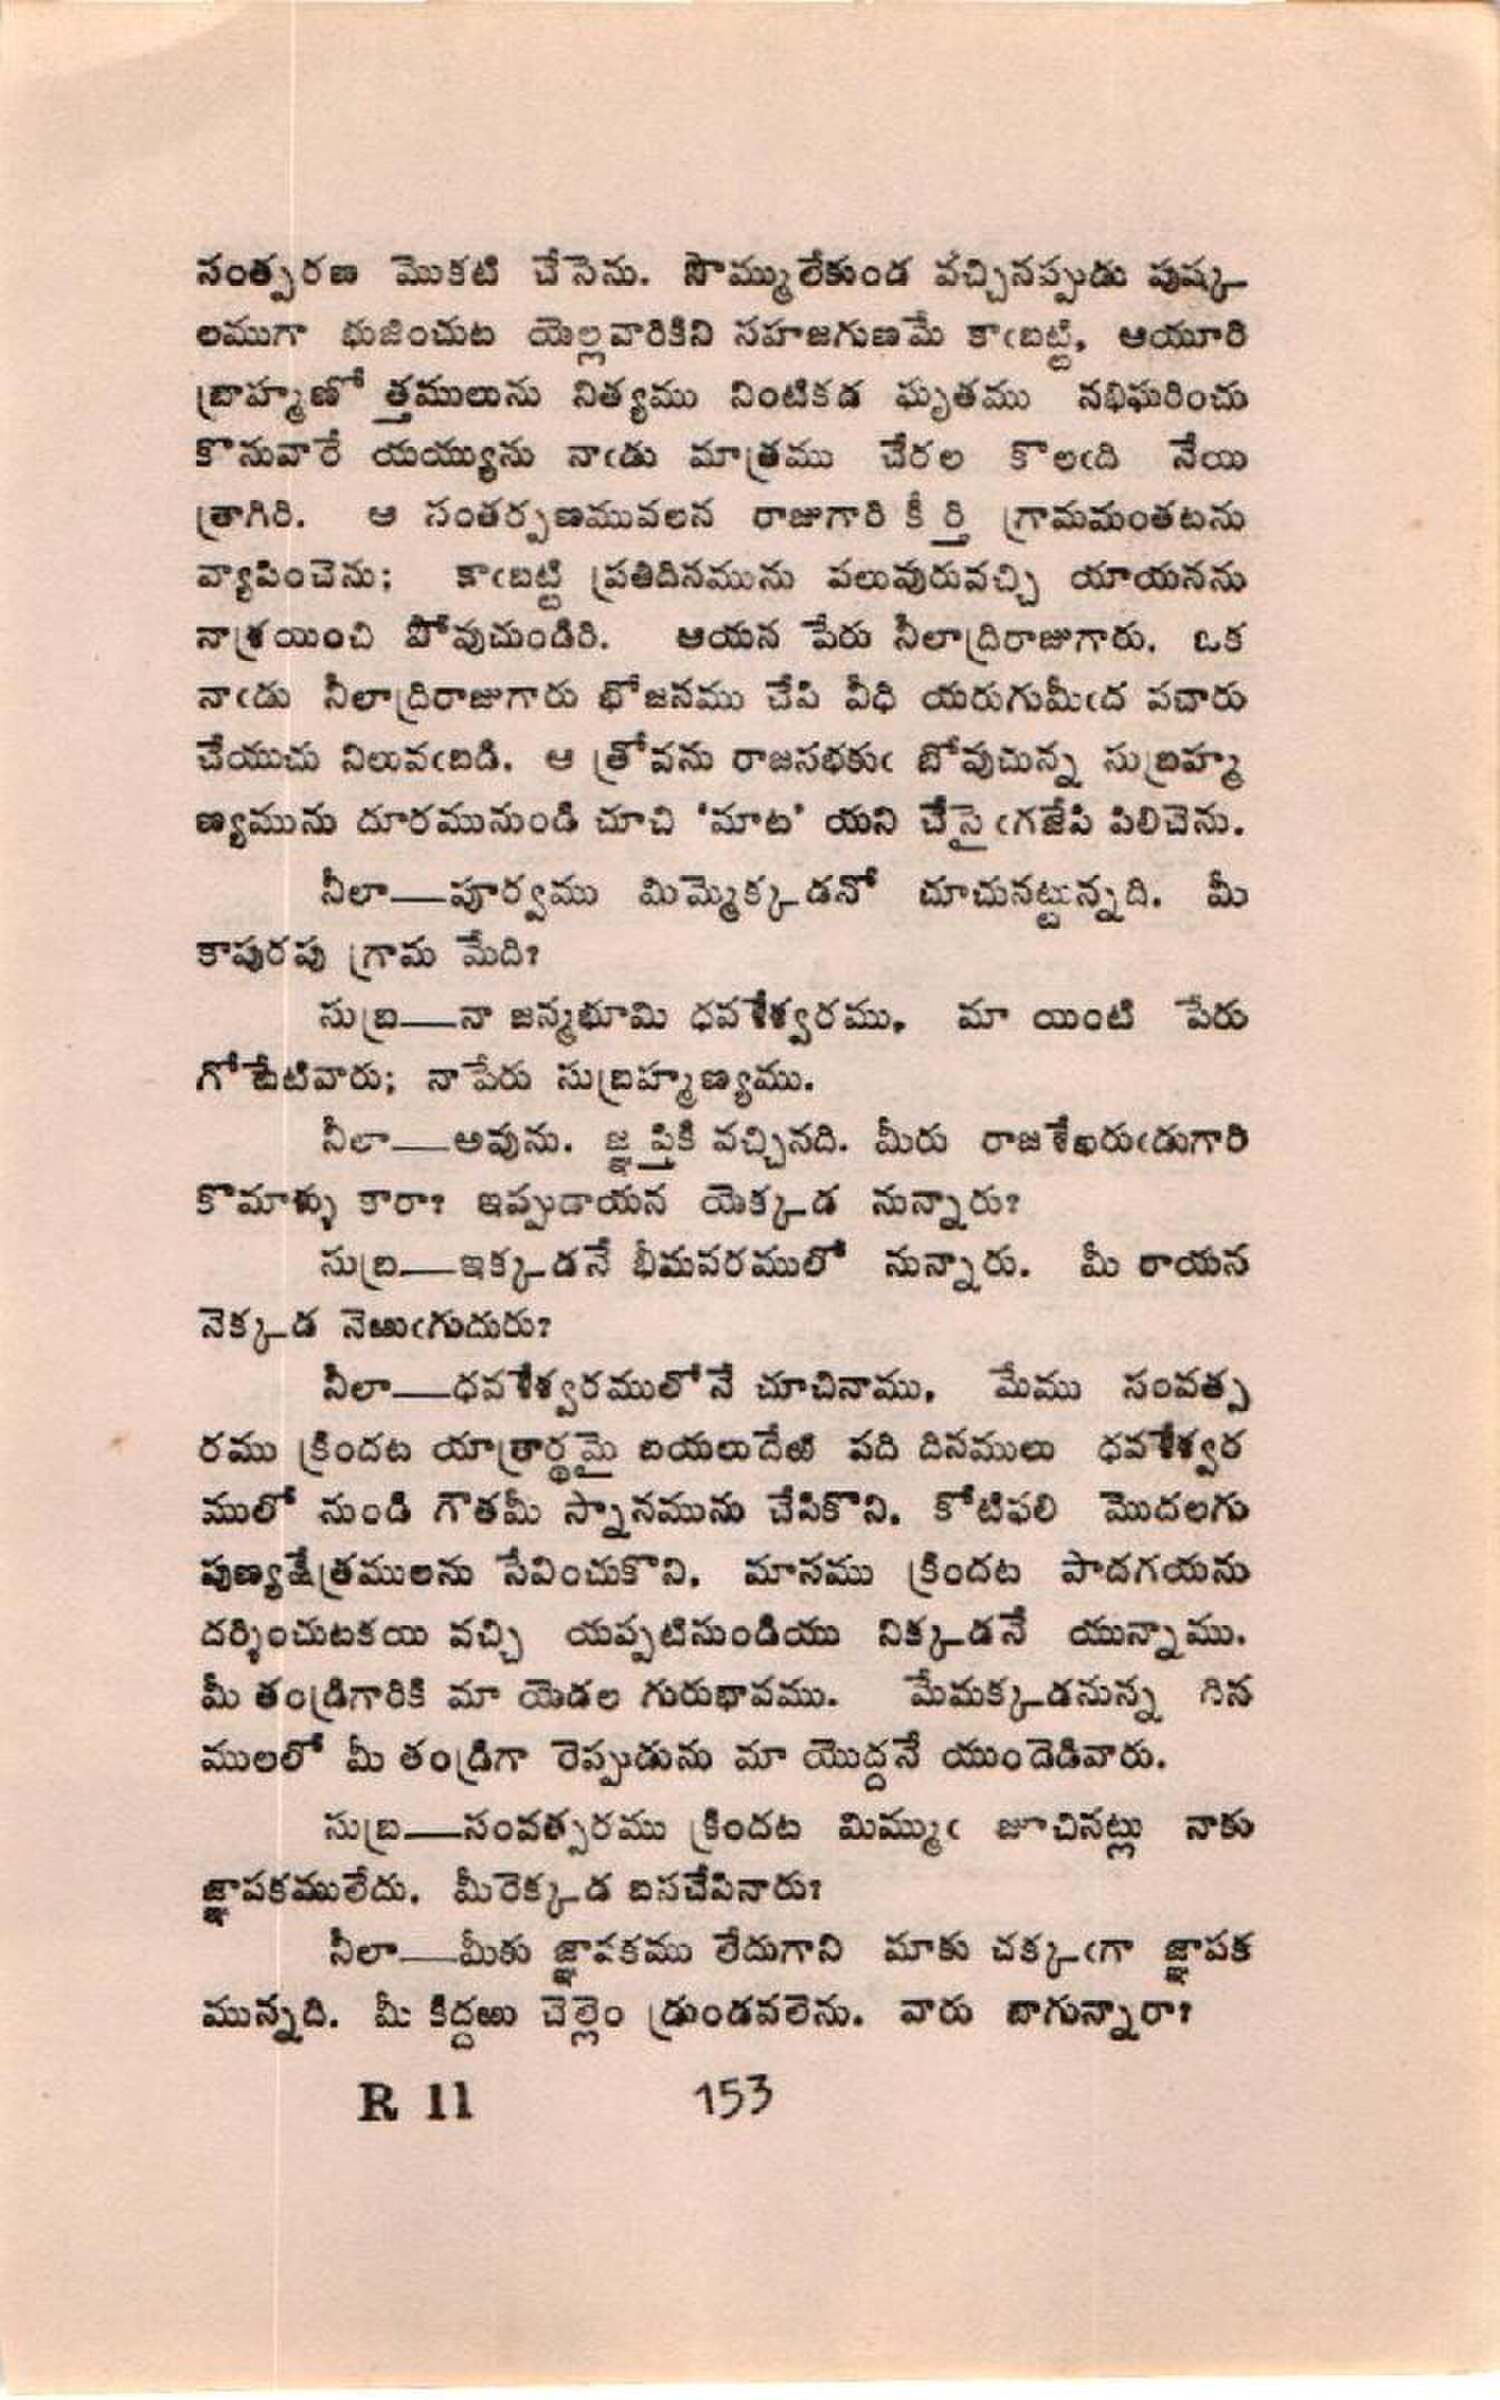సంత్పరణ మొకటి చేసెను. సొమ్ము లేకుండ వచ్చినప్పుడు పుష్కలముగా భుజించుట యెల్లవారికిని సహజగుణమే కాబట్టి, ఆయూరి బ్రాహ్మణోత్తములను నిత్యము నింటికడ ఘృతము నభిఘరించు కొనువారే యయ్యును నాఁడు మాత్రము చేరల కొలఁది నేయి త్రాగిరి. ఆ సంతర్పణమువలన రాజుగారి కీర్తి గ్రామమంతటను వ్యాపించెను; కాబట్టి ప్రతిదినమును పలువురు వచ్చి యాయనను నాశ్రయించి పోవుచుండిరి. ఆయన పేరు నీలాద్రిరాజుగారు, ఒక నాఁడు నీలాద్రిరాజుగారు భోజనము చేసి వీధి యరుగుమీఁద పచారు చేయుచు నిలువఁబడి, ఆ త్రోవను రాజసభకుఁ బోవుచున్న సుబ్రహ్మణ్యమును దూరమునుండి చూచి "మాట' యని చే సైఁగజేపి పిలిచెను.

నీలా__పూర్వము మిమ్మెక్కడనో చూచునట్టున్నది. మీ కాపురపు గ్రామ మేది?

సుబ్ర__నా జన్మభూమి ధవళేశ్వరము, మా యింటి పేరు గోటేటివారు; నాపేరు సుబ్రహ్మణ్యము.

నీలా__అవును. జ్ఞప్తికి వచ్చినది. మీరు రాజశేఖరుడుగారి కొమాళ్ళు కారా? 
ఇప్పుడాయన యెక్కడ నున్నారు?

సుబ్ర__ఇక్కడనే భీమవరములో నున్నారు. మీ రాయన నెక్కడ నెఱుఁగుదురు?

నీలా__ధవళేశ్వరములోనే చూచినాము, మేము సంవత్స రము క్రిందట యాత్రార్థమై బయలుదేఱి పది దినములు ధవళేశ్వర ములో నుండి గౌతమీ స్నానమును చేసికొని, కోటిఫలి మొదలగు పుణ్యక్షేత్రములను సేవించుకొని, మాసము క్రిందట పాదగయను దర్శించుటకయి వచ్చి యప్పటినుండియు నిక్కడనే యున్నాము. మీ తండ్రిగారికి మా యెడల గురుభావము. మేమక్కడనున్న దినములలో మీ తండ్రిగా రెప్పడును మా యొద్దనే యుండెడివారు.

సుబ్ర__సంవత్సరము క్రిందట మిమ్ముఁ జూచినట్లు నాకు జ్ఞాపకములేదు. మీరెక్కడ బసచేసినారు?

నీలా__మీకు జ్ఞాపకము లేదుగాని మాకు చక్కగా జ్ఞాపక మున్నది. మీ కిద్దఱు చెల్లెం డ్రుండవలెను. వారు బాగున్నారా?